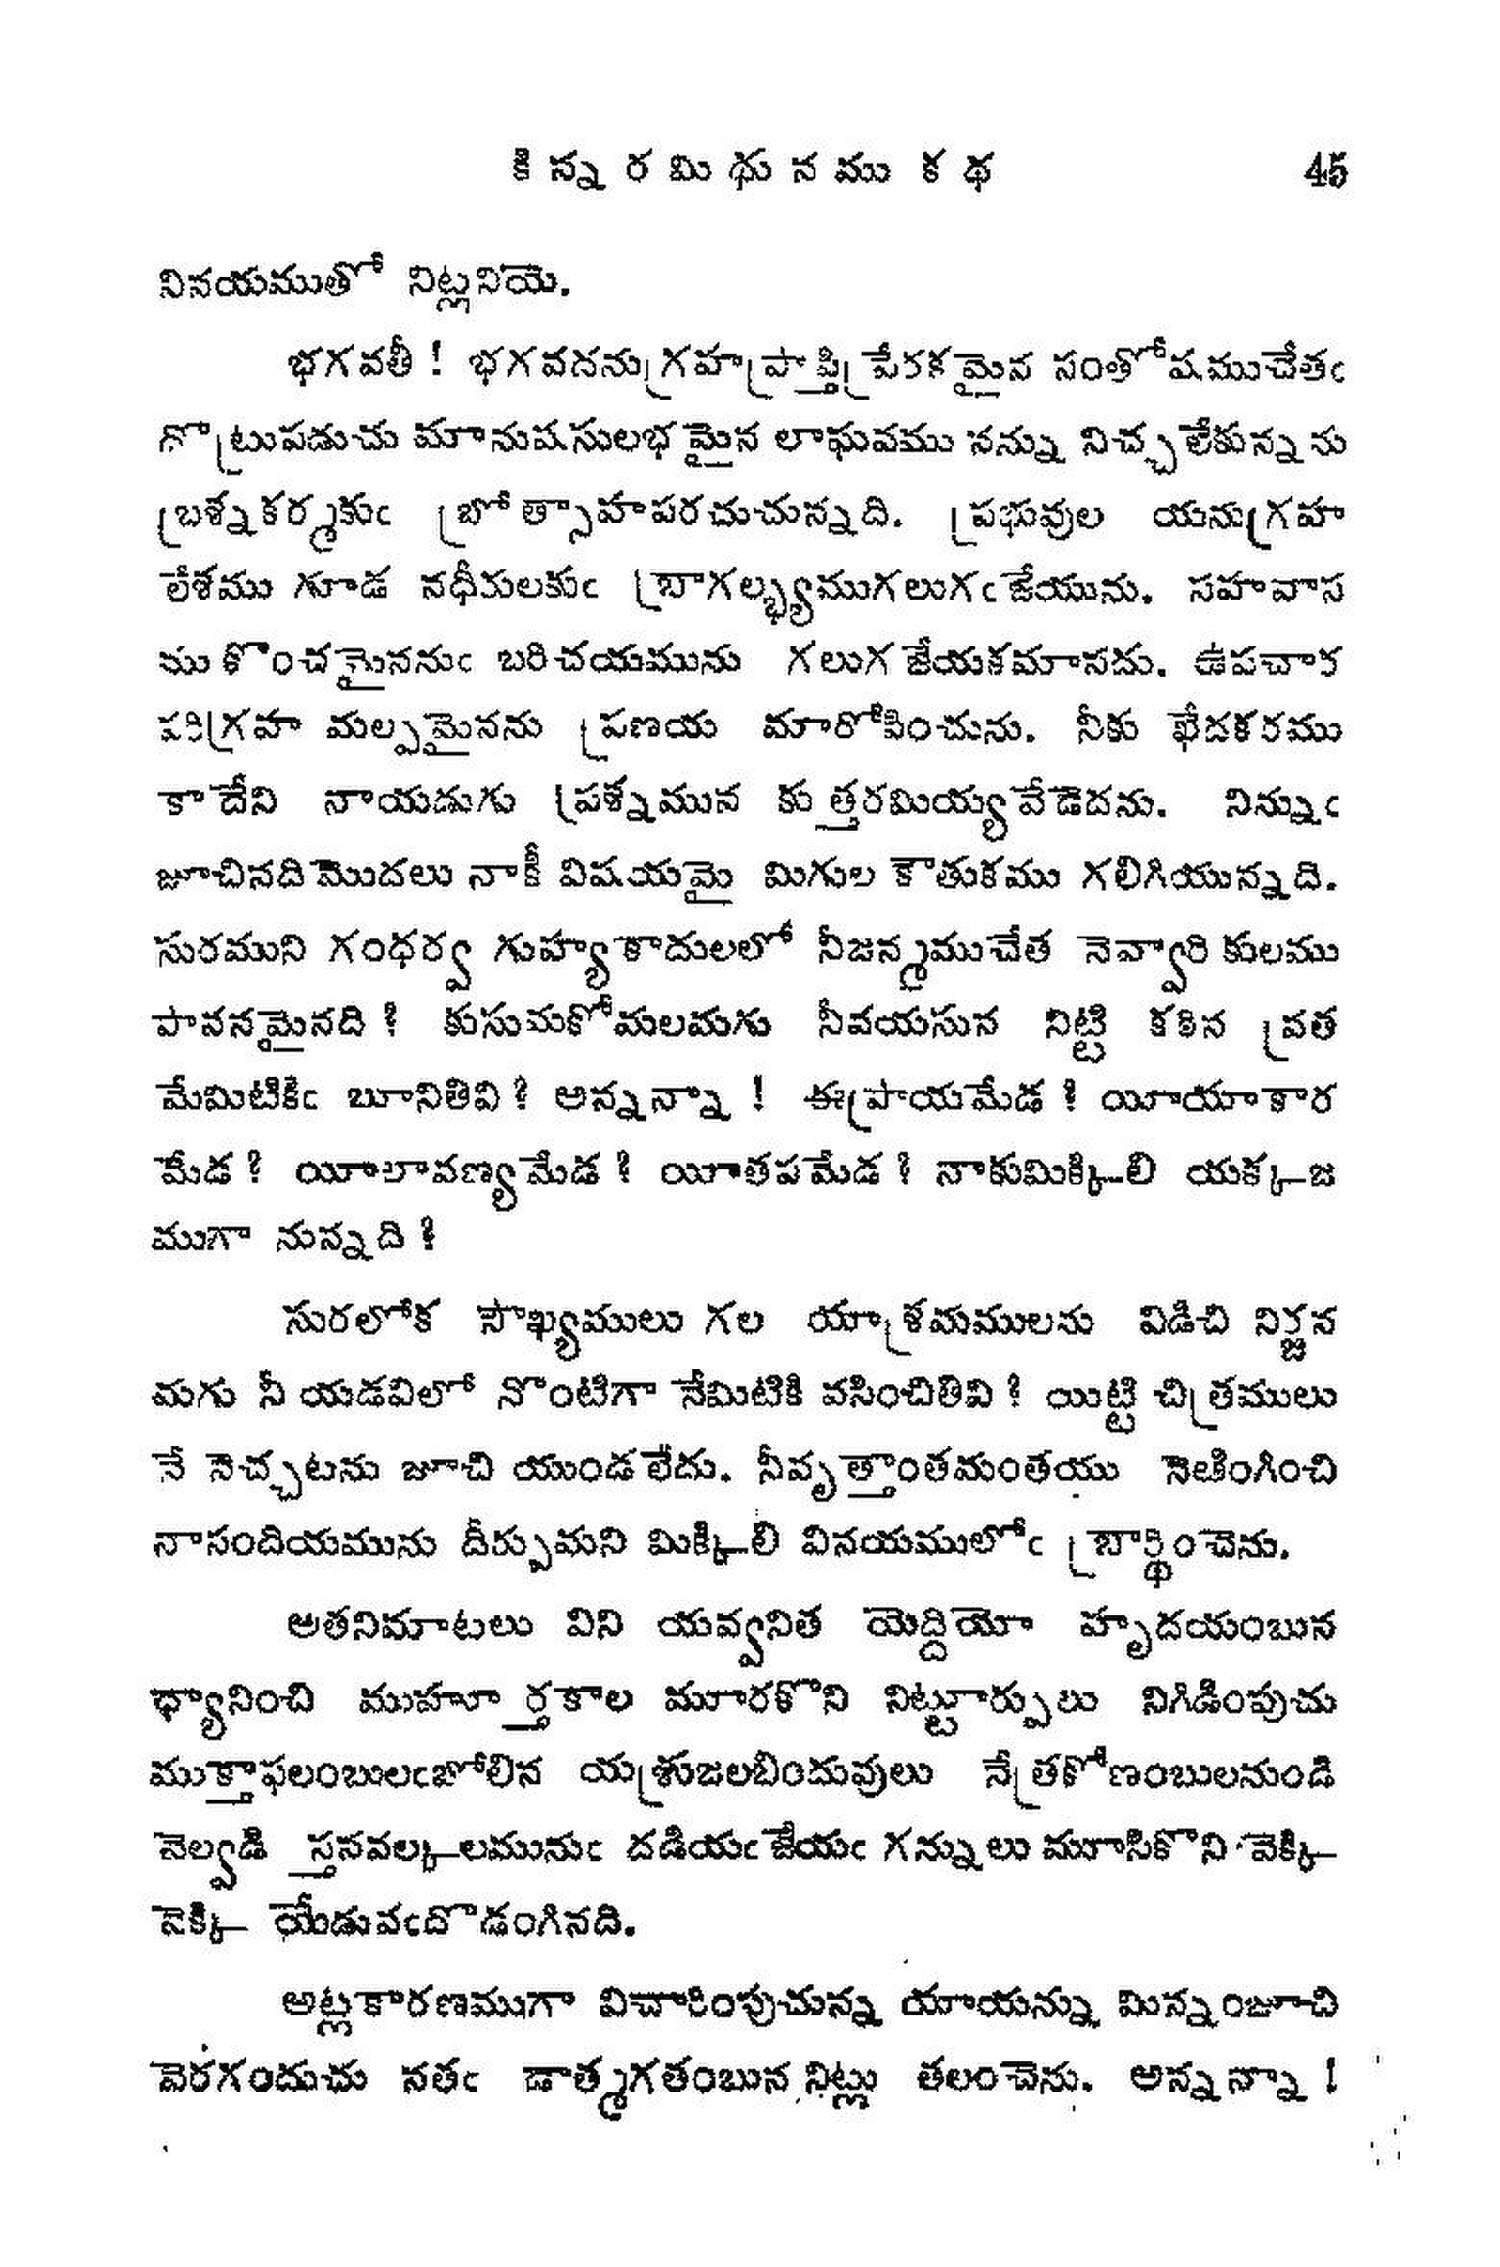వినయముతో నిట్లనియె.

భగవతీ! భగవదనుగ్రహప్రాప్తిప్రేరకమైన సంతోషముచేతఁ దొట్రుపడుచు మానుషసులభమైన లాఘవము నన్ను నిచ్చలేకున్నను బ్రశ్నకర్మకుఁ బ్రోత్సాహపరచుచున్నది. ప్రభువుల యనుగ్రహ లేశము గూడ నధీరులకుఁ బ్రాగల్భ్యముగలుగఁజేయును. సహవాసము కొంచమైననుఁ బరిచయమును గలుగజేయకమానదు. ఉపచార పరిగ్రహ మల్పమైనను ప్రణయ మారోపించును. నీకు ఖేదకరము కాదేని నాయడుగు ప్రశ్నమున కుత్తరమియ్యవేడెదను. నిన్నుఁ జూచినదిమొదలు నాకీ విషయమై మిగుల కౌతుకము గలిగియున్నది. సురముని గంధర్వ గుహ్యకాదులలో నీజన్మముచేత నెవ్వారి కులము పావనమైనది? కుసుమకోమలమగు నీవయసున నిట్టి కఠిన వ్రత మేమిటికిఁ బూనితివి? అన్నన్నా! ఈప్రాయమేడ? యీయాకారమేడ? యీలావణ్య మేడ? యీతపమేడ? నాకుమిక్కిలి యక్కజముగా నున్నది?

సురలోక సౌఖ్యములు గల యాశ్రమములను విడిచి నిర్జనమగు నీ యడవిలో నొంటిగా నేమిటికి వసించితివి? యిట్టి చిత్రములు నే నెచ్చటను జూచి యుండలేదు. నీవృత్తాంతమంతయు నెఱింగించి నాసందియమును దీర్పుమని మిక్కిలి వినయముతోఁ బ్రార్థించెను.

అతనిమాటలు విని యవ్వనిత యెద్దియో హృదయంబున ధ్యానించి ముహూర్తకాల మూరకొని నిట్టూర్పులు నిగిడింపుచు ముక్తాఫలంబులఁబోలిన యశ్రుజలబిందువులు నేత్రకోణంబులనుండి వెల్వడి స్తనవల్కలమునుఁ దడియఁజేయఁ గన్నులు మూసికొని వెక్కి వెక్కి యేడువఁదొడంగినది.

అట్లకారణముగా విచారింపుచున్న యాయన్ను మిన్నంజూచి వెరగందుచు నతఁ డాత్మగతంబున నిట్లు తలంచెను. అన్నన్నా!